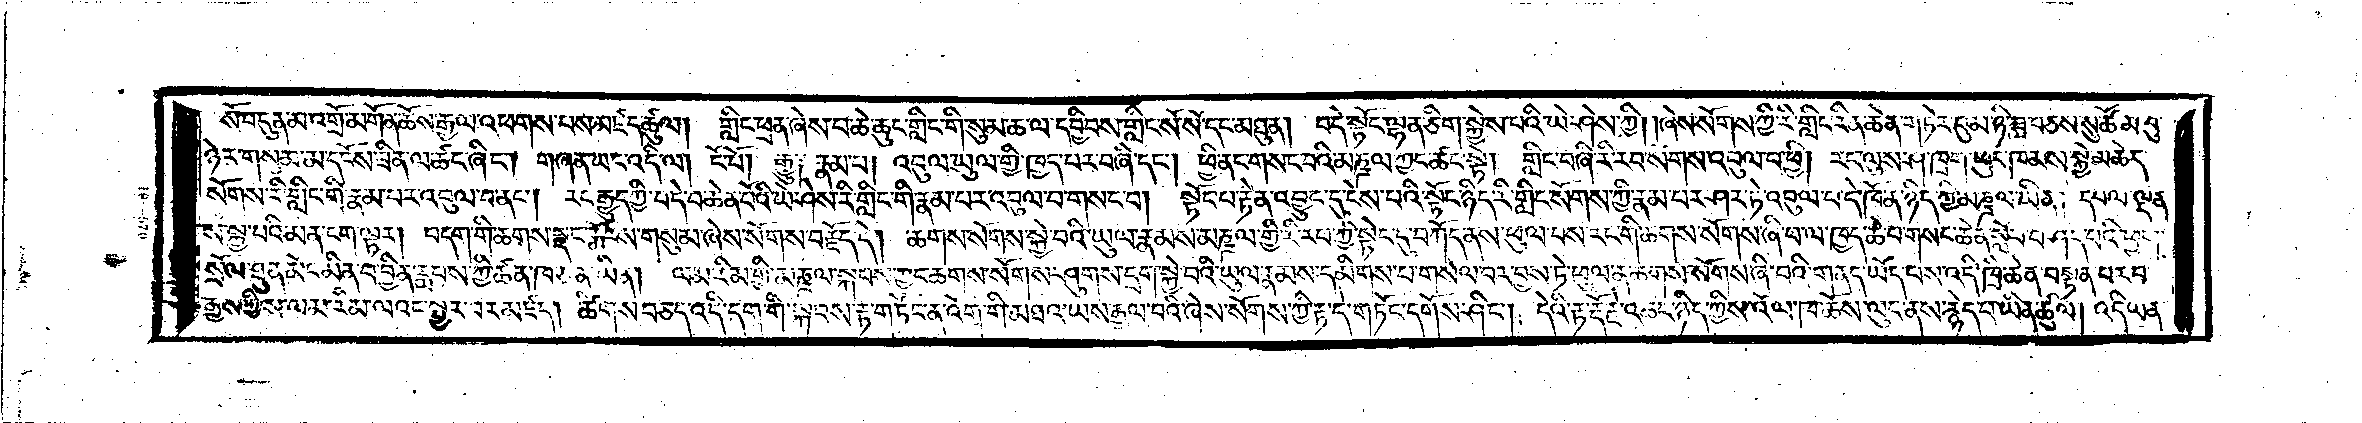ཉེར་བདུན་མ་འགྲོ་མགོན་ཆོས་རྒྱལ་འཕགས་པས་མཛད་ཚུལ། གླིང་ཕྲན་ཞེས་པ་ཆེ་ཆུང་གླིང་གི་སུམ་ཆ་ལ་དབྱིབས་གླིང་སོ་སོ་དང་མཐུན། བདེ་སྟོང་ལྷན་ཅིག་སྐྱེས་པའི་ཡེ་ཤེས་ཀྱི། །ཞེས་སོགས་ཀྱི་རི་གླིང་རིན་ཆེན་གཏེར་བུམ་ཉི་ཟླ་བཅས་སུ་ཚོམ་བུ་
ཉེར་གསུམ་མ་དངོས་ཟིན་ལ་ཚང་ཞིང་། གཞན་ཡང་འདི་ལ། ངོ་བོ། རྒྱུ༑ རྣམ་པ། འབུལ་ཡུལ་གྱི་ཁྱད་པར་བཞི་དང་། ཕྱི་ནང་གསང་བའི་མཎྜལ་ཀྱང་ཚང་སྟེ། གླིང་བཞི་རི་རབ་སོགས་འབུལ་བ་ཕྱི། རང་ལུས་ཤ་ཁྲག་ཕུང་ཁམས་སྐྱེ་མཆེད་
སོགས་རི་གླིང་གི་རྣམ་པར་འབུལ་བ་ནང་། རང་རྒྱུད་ཀྱི་བདེ་བ་ཆེན་པོའི་ཡེ་ཤེས་རི་གླིང་གི་རྣམ་པར་འབུལ་བ་གསང་བ། སྟོང་པ་རྟེན་འབྱུང་དུ་ངེས་པའི་སྟོང་ཉིད་རི་གླིང་སོགས་ཀྱི་རྣམ་པར་ཤར་ཏེ་འབུལ་བ་དེ་ཁོ་ན་ཉིད་ཀྱི་མཎྜལ་ཡིན། དཔལ་ལྡན་
ས་སྐྱ་པའི་མན་ངག་ལྟར། བདག་གི་ཆགས་སྡང་རྨོངས་གསུམ་ཞེས་སོགས་བརྗོད་དེ། ཆགས་སོགས་སྐྱེ་བའི་ཡུལ་རྣམས་མཎྜལ་གྱི་རི་རབ་ཀྱི་སྟེང་དུ་བཀོད་ནས་ཕུལ་བས་རང་གི་ཆགས་སོགས་ཞི་བ་ལ་ཁྱད་ཆེ་བ་གསང་ཆེན་སློབ་བཤད་བའི་ཕྱག་
སྲོལ་ཐུན་མོང་མིན་པ་བྱིན་རླབས་ཀྱི་ཚན་ཁ་ཅན་ཡིན། ལམ་རིམ་གྱི་མཎྜལ་སྐབས་ཀྱང་ཆགས་སོགས་ཤུགས་དྲག་སྐྱེ་བའི་ཡུལ་རྣམས་དམིགས་པ་གསལ་བར་བྱས་ཏེ་ཕུལ་ན་ཆགས་སོགས་ཞི་བའི་གནད་ཡོད་པས་འདི་ཁྲི་ཆེན་བསྟན་པ་རབ་
རྒྱས་ཀྱིས་ལམ་རིམ་ལའང་སྦྱར་བར་མཛད། ཚིགས་བཅད་འདི་དག་གི་སྐབས་རྟ་གཏོང་ན་འོག་གི་མཐའ་ཡས་རྒྱལ་བའི་ཞེས་སོགས་ཀྱི་རྟ་དེ་གཏོང་དགོས་ཤིང་། དེའི་རྟ་རྡོ་རྗེ་འཆང་ཉིད་ཀྱི་ས་འོལ་ཁ་ཆོས་ལུང་ནས་རྙེད་པ་ཡིན་ཚུལ། འདི་ཡན་